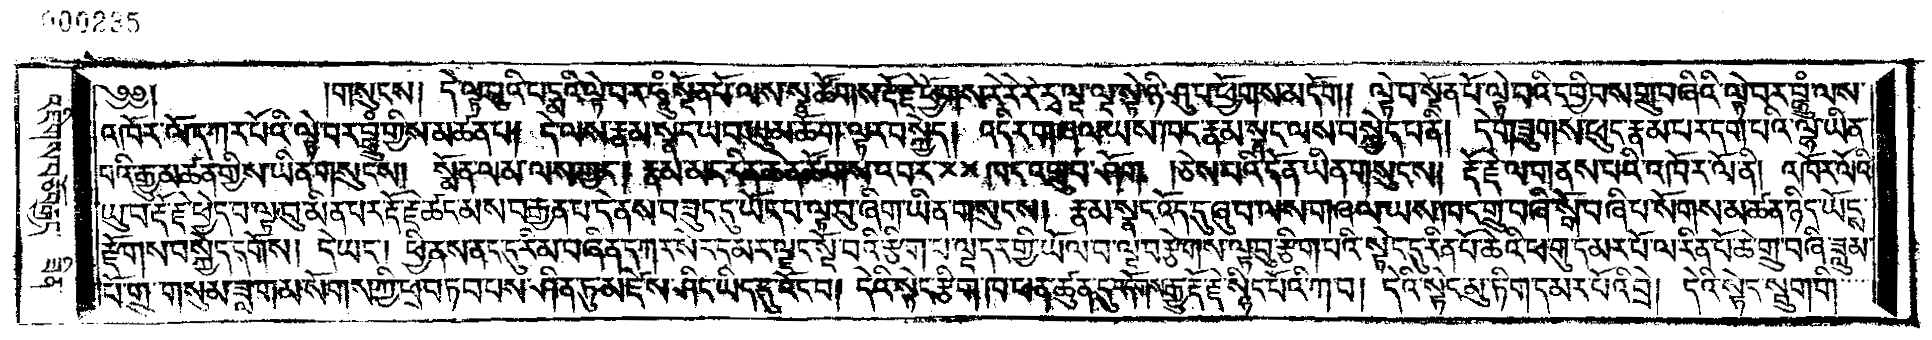༄༅། །གསུངས༑ དེ་ལྟ་བུའི་པདམའི་ལྟེ་བར་ཧཱུཾ་སྔོན་པོ་ལས་སྣ་ཚོགས་རྡོ་རྗེ་ཕྱོགས་རེ་རེ་རེ་རྭ་ལྔ་ལྔ་སྟེ་ཉི་ཤུ་པ་ཕྱོགས་མདོག །ལྟེ་བ་སྔོན་པོ་ལྟེ་བའི་དབྱིབས་གྲུ་བཞིའི་ལྟེ་བར་བྷྲུཾ་ལས་
འཁོར་ལོ་དཀར་པོའི་ལྟེ་བར་བྷྲུཾ་གྱིས་མཚན་པ། དེ་ལས་རྣམ་སྣང་ཡབ་ཡུམ་ཆོ་ག་ལྟར་བསྐྱེད། འདིར་གཞལ་ཡས་ཁང་རྣམ་སྣང་ལས་བསྐྱེད་པ་ནི། དེ་གཟུགས་ཕུང་རྣམ་པར་དག་པའི་ལྷ་ཡིན་
པའི་རྒྱུ་མཚན་གྱིས་ཡིན་གསུངས། སྨོན་ལམ་ལས་ཀྱང་། རྣམ་མང་རིན་ཆེན་ཚོགས་འབར་྾྾་ཁང་འགྲུབ་ཤོག །ཅེས་པའི་དོན་ཡིན་གསུངས། རྡོ་རྗེ་ལ་གནས་པའི་འཁོར་ལོ་ནི། འཁོར་ལོའི་
ཡུ་བ་རྡོ་རྗེ་ཕྱེད་པ་ལྟ་བུ་མིན་པར་རྡོ་རྗེ་ཚང་མས་བརྒྱན་པ་དེ་ནས་བཟུང་དུ་ཡོད་པ་ལྟ་བུ་ཞིག་ཡིན་གསུངས། རྣམ་སྣང་འོད་དུ་ཞུ་བ་ལས་གཞལ་ཡས་ཁང་གྲུ་བཞི་སྒོ་བཞི་པ་སོགས་མཚན་ཉིད་ཡོངས་
རྫོགས་བསྐྱེད་དགོས། དེ་ཡང་། ཕྱི་ནས་ནང་དུ་རིམ་བཞིན་དཀར་སེར་དམར་ལྗང་སྔོ་བའི་རྩིག་པ་ལྔ་དར་གྱི་ཡོལ་བ་ལྔ་བརྩེགས་ལྟ་བུ་རྩིག་པའི་སྟེང་དུ་རིན་པོ་ཆེའི་ཕ་གུ་དམར་པོ་ལ་རིན་པོ་ཆེ་གྲུ་བཞི་ཟླུམ་
པོ་གྲུ་གསུམ་ཟླ་གམ་སོགས་ཀྱི་ཕྲ་བཏབ་པས་ཤིན་ཏུ་མཛེས་ཤིང་ཡིད་དུ་འོང་བ། དེའི་སྟེང་རྩིག་ཁ་ཕན་ཚུན་དུ་འདོགས་རྒྱུ་རྡོ་རྗེ་སྙིང་པོའི་ཀ་བ། དེའི་སྟེང་མུ་ཏིག་དམར་པོའི་ཕྲེ། དེའི་སྟེང་སྦུག་གི་